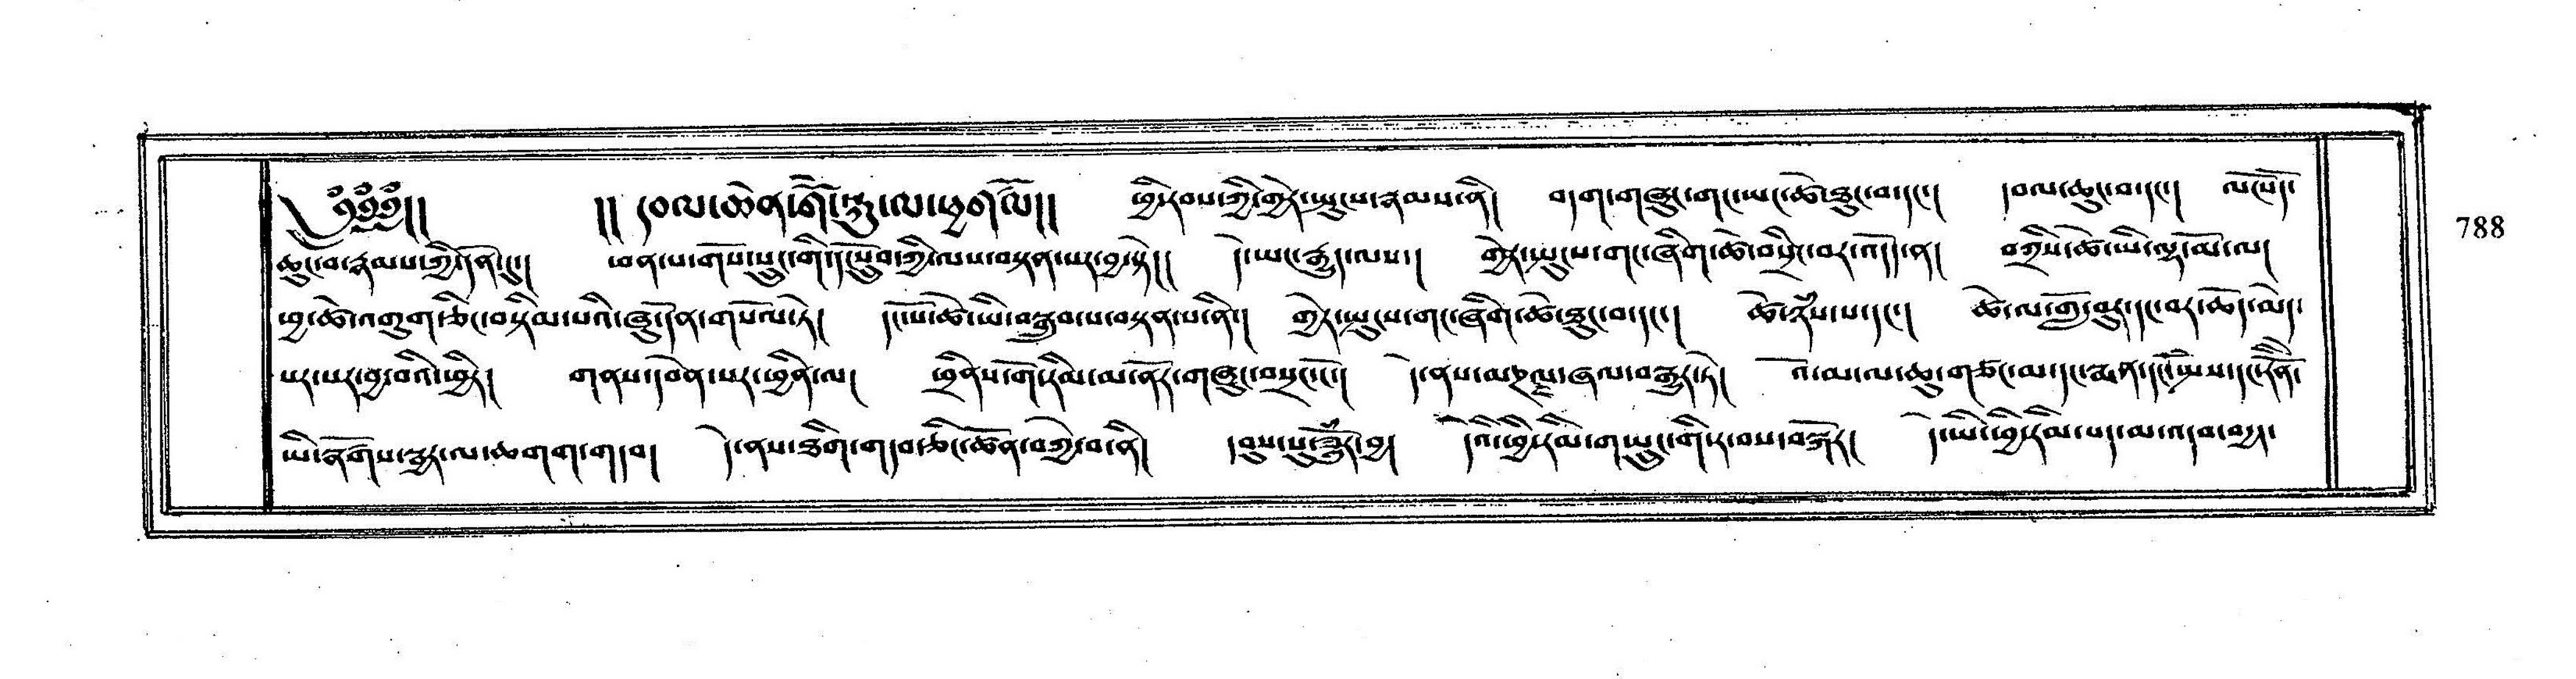༄༅༅།། །།དབལ་ཆེན་གེ་ཁོད་སྐུ་ལ་ཕྱག་འཚལ་ལོ།། ཕྱི་རབས་ཀྱི་གྱེར་སྤུངས་རྣམས་ནི། བདག་གཞུང་གང་ཡང་ཚེ་ཐུང་བ་དང་། དབལ་ཆུང་བ་དང་། ལོངས་སྤྱོད་
ཆུང་བ་རྣམས་ཀྱི་དོན་དུ། ཕན་པ་གོས་སྲུང་གི་དངོས་གྲུབ་ཀྱི་ལས་བསྟན་པར་བྱ་སྟེ།། དེ་ཡང་རྒྱུད་ལས། གྱེར་སྤུངས་གང་ཞིག་ཚེ་བསྲིང་བར་འདོད་ན། བཀྲ་ཤིས་ཚེ་ཡི་ལྷ་མོ་ལ། 
ཕྱ་ཚེ་འགུག་ཅིང་བསྟིམ་པའི་ཞུ་དོན་གསོལ་ཏེ། དང་པོ་ཚེ་ཡི་བསྒྲུབ་པ་བསྟན་པ་ནི། གྱེར་སྤུངས་གང་ཞིག་ཚེ་ཐུང་བ་དང་། ཚེ་ཉམས་པ་དང་། ཚེ་ལ་གློ་བུར་དང་བར་ཆོད་མེད་
པར་བྱ་བའི་ཕྱིར། གནས་དབེན་པར་ཕྱིན་ལ། ཕྲིན་ལས་གོ་རིམ་མ་ནོར་གཞུང་བསྲང་ངོ་། དེ་ནས་མཎྡལ་ཞལ་བསྒྱུར་ཏེ། འོ་མ་ལ་ཆུ་གཙང་མ་དང་སྨན་དང་སྤོས་དང་རིན་པོ་
ཆེ་སྣ་ཚོགས་སྦྱར་ལ་ཆག་ཆག་གདབ། དེ་ནས་ཐིག་གདབ་ཅིང་ཚོན་བཀྱེ་བ་ནི། དབུས་སུ་ཟླུམ་པོར་བྱ། དེའི་ཕྱི་རིམ་གཡུང་དྲུང་གི་ར་བས་བསྐོར། དེ་ཡི་ཕྱི་རིམ་པད་མ་འདབ་བརྒྱད་